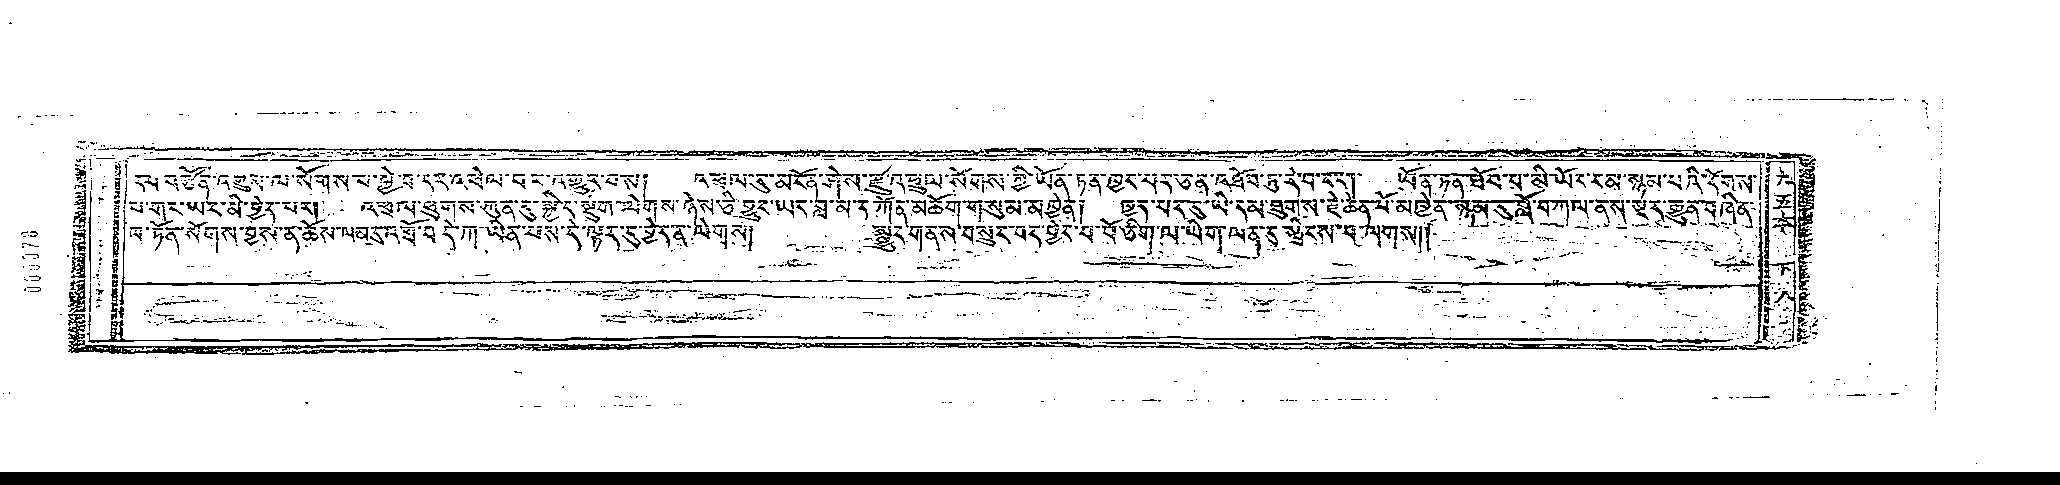རབ་བརྩོན་འགྲུས་ལ་སོགས་བ་སྐྱི་བ་དང་འཕེལ་བར་འགྱུར་བས། འཕྲལ་དུ་མངོན་ཤེས་རྫུ་འཕྲུལ་སོགས་ཀྱི་ཡོན་ཏན་ཁྱད་པར་ཅན་འཐོབ་ཏུ་རེ་བ་དང་། ཡོན་ཏན་ཐོབ་པ་མི་ཡོད་དམ་སྙམ་པའི་དོགས་
པ་གང་ཡང་མི་བྱེད་པར། འཕྲལ་ཕུགས་ཀུན་དུ་སྐྱིད་སྡུག་ལེགས་ཉེས་ཅི་བྱུང་ཡང་བླ་མ་དཀོན་མཆོག་གསུམ་མཁྱེན། ཁྱད་པར་དུ་ཡི་དམ་ཐུགས་རྗེ་ཆེན་པོ་མཁྱེན་སྙམ་དུ་བློ་བཀལ་ནས་སྔར་རྒྱུན་བཞིན་
ཁ་ཏོན་སོགས་བྱས་ན་ཆོས་ལམ་དུ་འགྲོ་བ་དེ་ཀ་ཡིན་པས་དེ་ལྟར་དུ་བྱེད་ན་ལེགས། སྨྱུང་གནས་བསྲུང་བར་བྱེད་པ་པོ་ཅིག་ལ་ཡིག་ལན་དུ་སྤྲིངས་པ་ལགས།།